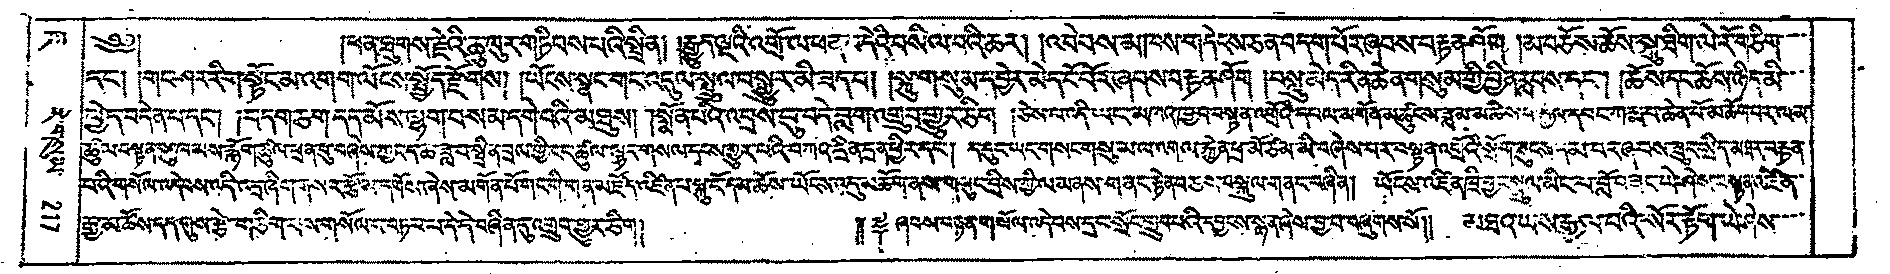༄༅། །ཕན་ཐུགས་རྗེའི་ཆུ་ཁུར་གཏིབས་པའི་སྤྲིན། །རྒྱུད་ལྔའི་འགྲོ་ལ་ཕན་བདེའི་བསིལ་བའི་ཆར། །འབེབས་མཁས་གདེངས་ཅན་བདག་པོར་ཞབས་བརྟན་ཤོག །མ་བཅོས་ཆོས་སྐུ་ཐིག་ལེ་རོ་གཅིག་
དང་། །གང་ཤར་རིག་སྟོང་མ་འགག་ལོངས་སྤྱོད་རྫོགས། །ཡོངས་སྣང་གང་འདུལ་སྤྲུལ་བསྒྱུར་མི་ཟད་པ། །སྐུ་གསུམ་དབྱེར་མེད་ངོ་བོར་ཞབས་བརྟན་ཤོག །བསླུ་མེད་རིན་ཆེན་གསུམ་གྱི་བྱིན་རླབས་དང་། །ཆོས་དང་ཆོས་ཉིད་མི་
ཕྱེད་བདེན་པ་དང་། །བདག་ཅག་དད་མོས་ལྷག་བསམ་དགེ་བའི་མཐུས། །སྨོན་པའི་འབྲས་བུ་བདེ་བླག་འགྲུབ་གྱུར་ཅིག །ཅེས་པ་འདི་ཡང་མཁའ་ཁྱབ་བསྟན་འགྲོའི་དཔལ་མགོན་མཚུངས་ཟླ་མ་མཆིས་པ་རྒྱལ་དབང་ཀརྨ་པ་ཆེན་པོ་མཆོག་པར་ལམ་
ཚུལ་བསྟན་སྐུ་ཁམས་རྙོག་ཚུལ་ཕྲན་བུ་བཞེས་ཀྱང་ད་ཆ་ཟླ་བ་སྤྲིན་བྲལ་གྱི་ངང་ཚུལ་ལྟར་གསལ་དྭངས་གྱུར་པའི་བཀའ་དྲིན་དྲན་ཕྱིར་དང་། ད་དུང་ཡང་གསང་གསུམ་ལ་འགལ་རྐྱེན་ཕྲ་མོ་ཙམ་མི་བཞེས་པར་བསྟན་འགྲོའི་སྲོག་ཟུངས་དམ་པར་ཞབས་ཟུང་སྲིད་མཐར་བརྟན་
པའི་གསོལ་འདེབས་འདི་འདྲ་ཞིག་གསར་རྩོམ་དགོས་ཞེས་མགོན་པོ་གང་གི་གན་མཛོད་འཛིན་པ་སྐུ་ངོ་དམ་ཆོས་ཡོངས་འདུ་མཆོག་ནས་གསུང་བྲིས་ཀྱི་ལམ་ནས་གནང་རྟེན་བཅས་བསྐུལ་གནང་བཞིན། ཡོངས་འཛིན་ཁྲི་བྱང་སྤྲུལ་མིང་པ་བློ་བཟང་ཡེ་ཤེས་བསྟན་འཛིན་
རྒྱ་མཚོས་དད་གུས་རྩེ་གཅིག་པས་གསོལ་བ་བཏབ་པ་དེ་དེ་བཞིན་དུ་འགྲུབ་གྱུར་ཅིག ། །། ༈ ཞབས་བརྟན་གསོལ་འདེབས་དྲང་སྲོང་གྲུབ་པའི་དབྱངས་སྙན་ཞེས་བྱ་བ་བཞུགས་སོ།། མཐའ་ཡས་རྒྱལ་བའི་སོར་རྟོག་ཡེ་ཤེས་